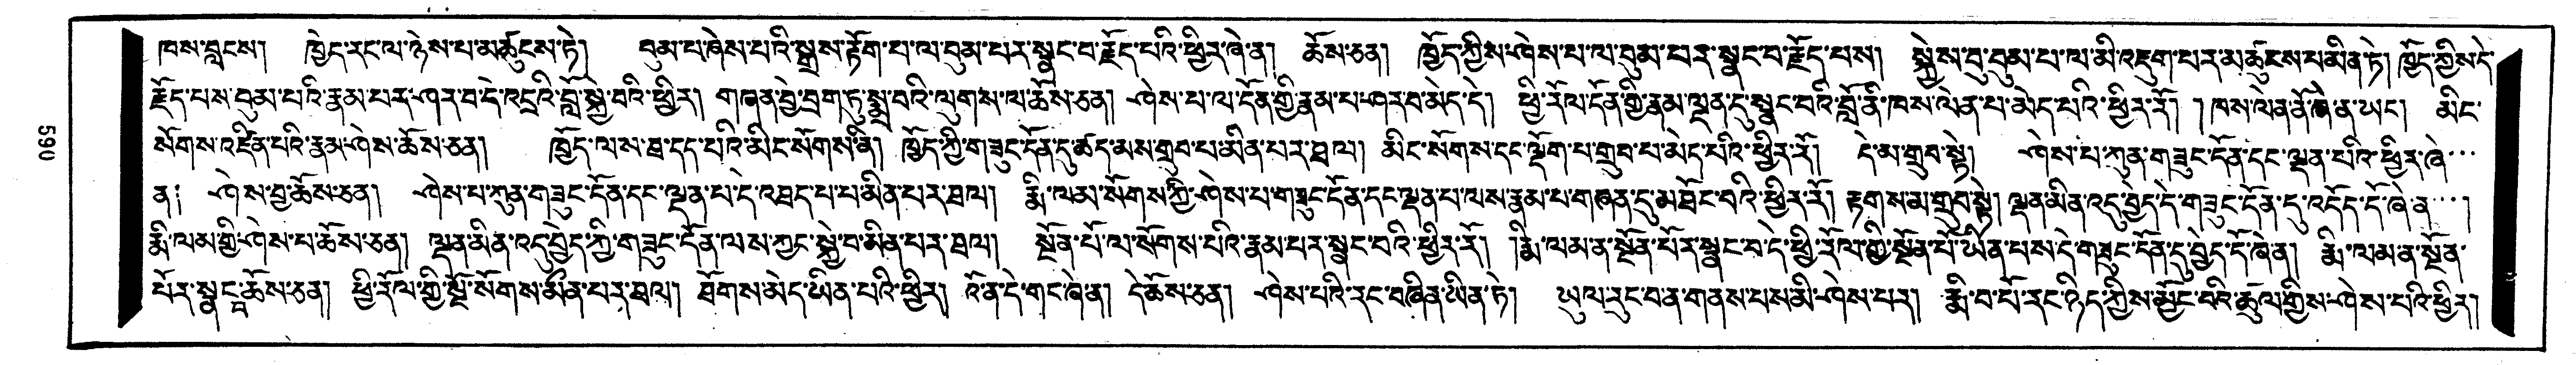ཁས་བླངས། ཁྱེད་རང་ལ་ཉེས་པ་མཚུངས་ཏེ། བུམ་པ་ཞེས་པའི་སྒྲས་རྟོག་པ་ལ་བུམ་པར་སྣང་བ་རྗོད་པའི་ཕྱིར་ཞེ་ན། ཆོས་ཅན། ཁྱོད་ཀྱིས་ཤེས་པ་ལ་བུམ་པར་སྣང་བ་རྗོད་པས། སྐྱེས་བུ་བུམ་པ་ལ་མི་འཇུག་པར་མཚུངས་པ་མིན་ཏེ། ཁྱོད་ཀྱིས་དེ་
རྗོད་པས་བུམ་པའི་རྣམ་པར་ཤར་བ་དེ་འདྲའི་བློ་སྐྱེ་བའི་ཕྱིར། གཞན་བྱེ་བྲག་ཏུ་སྨྲ་བའི་ལུགས་ལ་ཆོས་ཅན། ཤེས་པ་ལ་དོན་གྱི་རྣམ་པ་ཤར་བ་མེད་དེ། ཕྱི་རོལ་དོན་གྱི་རྣམ་ལྡན་དུ་སྣང་བའི་བློ་ནི་ཁས་ལེན་པ་མེད་པའི་ཕྱིར་རོ། །ཁས་ལེན་ནོ་ཞེ་ན་ཡང་། མིང་
སོགས་འཛིན་པའི་རྣམ་ཤེས་ཆོས་ཅན། ཁྱོད་ལས་ཐ་དད་པའི་མིང་སོགས་ནི། ཁྱོད་ཀྱི་གཟུང་དོན་དུ་ཚད་མས་གྲུབ་པ་མིན་པར་ཐལ། མིང་སོགས་དང་ལྡོག་པ་གྲུབ་པ་མེད་པའི་ཕྱིར་རོ། དེ་མ་གྲུབ་སྟེ། ཤེས་པ་ཀུན་གཟུང་དོན་དང་ལྡན་པའི་ཕྱིར་ཞེ་
ན༑ ཤེས་བྱ་ཆོས་ཅན། ཤེས་པ་ཀུན་གཟུང་དོན་དང་ལྡན་པ་དེ་འཐད་པ་པ་མིན་པར་ཐལ། རྨི་ལམ་སོགས་ཀྱི་ཤེས་པ་གཟུང་དོན་དང་ལྡན་པ་ལས་རྣམ་པ་གཞན་དུ་མཐོང་བའི་ཕྱིར་རོ། རྟགས་མ་གྲུབ་སྟེ། ལྡན་མིན་འདུ་བྱེད་དེ་གཟུང་དོན་དུ་འདོད་དོ་ཞེ་ན།
རྨི་ལམ་གྱི་ཤེས་པ་ཆོས་ཅན། ལྡན་མིན་འདུ་བྱེད་ཀྱི་གཟུང་དོན་ལས་ཀྱང་སྐྱེ་བ་མིན་པར་ཐལ། སྔོན་པོ་ལ་སོགས་པའི་རྣམ་པར་སྣང་བའི་ཕྱིར་རོ། །རྨི་ལམ་ན་སྔོན་པོར་སྣང་བ་དེ་ཕྱི་རོལ་གྱི་སྔོན་པོ་ཡིན་པས་དེ་གཟུང་དོན་དུ་བྱེད་དོ་ཞེ་ན། རྨི་ལམ་ན་སྔོན་
པོར་སྣང་བ་ཆོས་ཅན། ཕྱི་རོལ་གྱི་སྔོ་སོགས་མིན་པར་ཐལ། ཐོགས་མེད་ཡིན་པའི་ཕྱིར། འོ་ན་དེ་གང་ཞེ་ན། དེ་ཆོས་ཅན། ཤེས་པའི་རང་བཞིན་ཡིན་ཏེ། ཡུལ་རུང་བ་ན་གནས་པས་མི་ཤེས་པར། རྨི་བ་པོ་རང་ཉིད་ཀྱིས་མྱོང་བའི་ཚུལ་གྱིས་ཤེས་པའི་ཕྱིར།